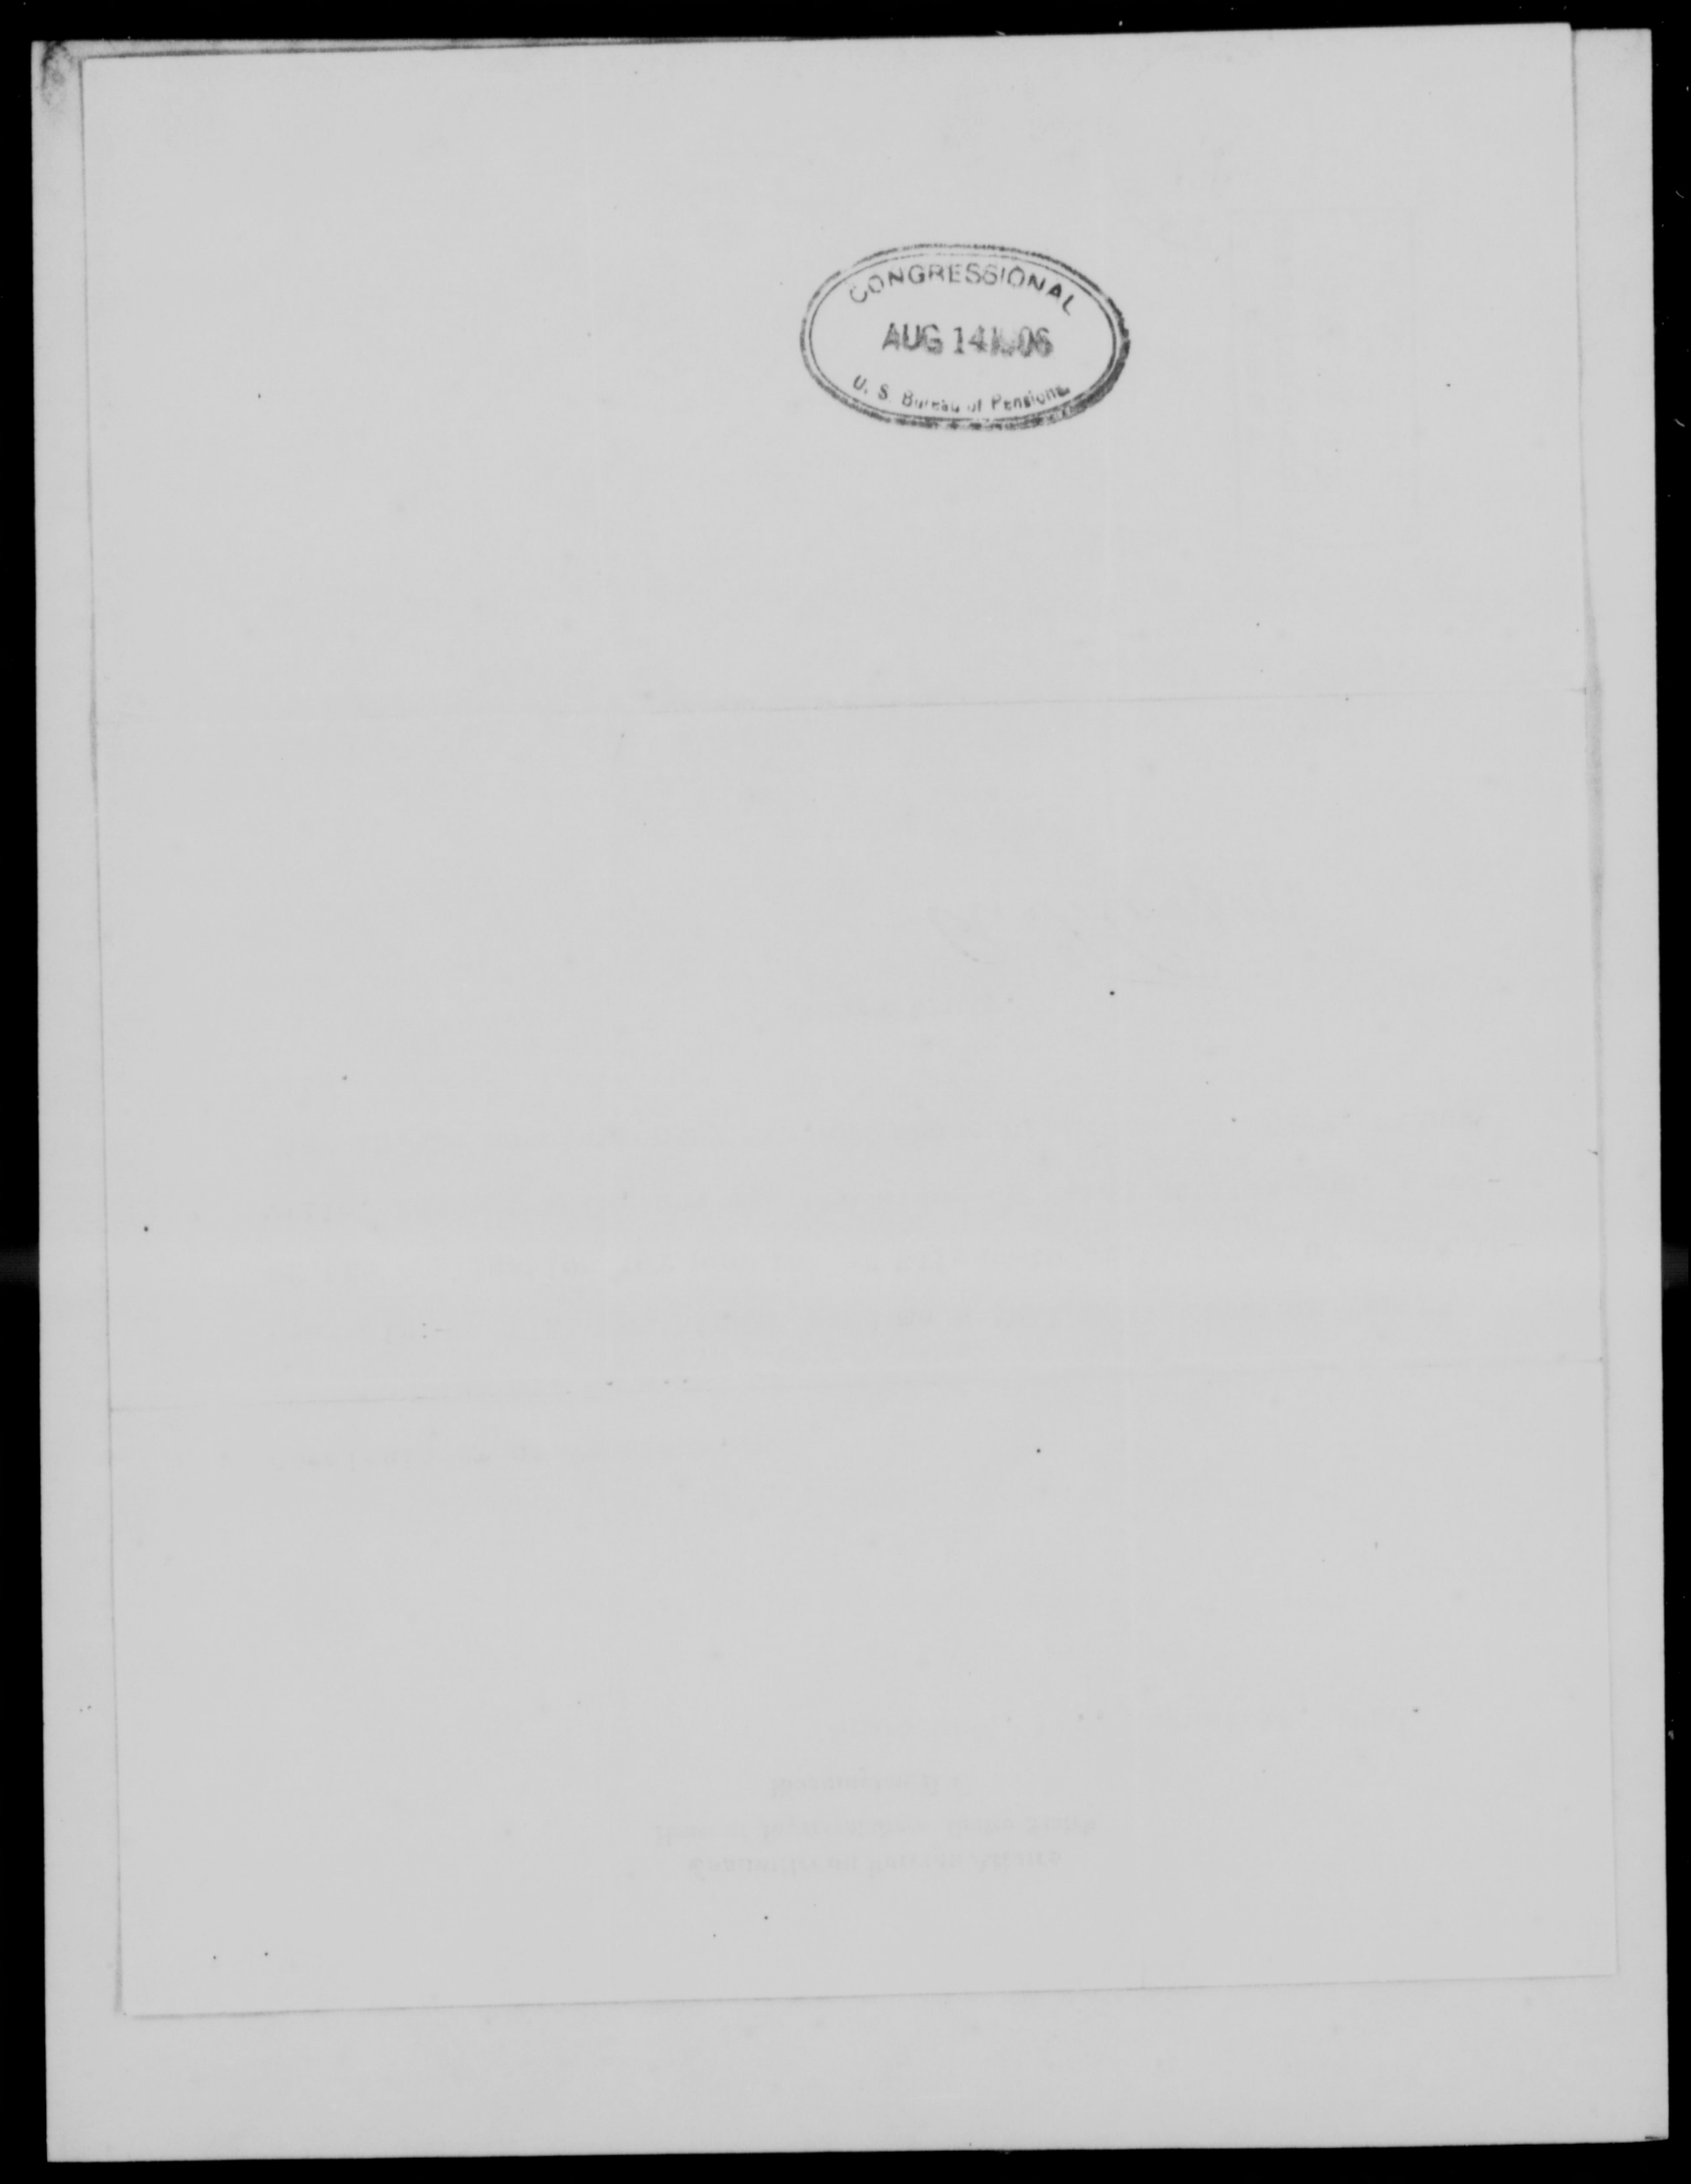[oval stamp] Congressional U.S. Bureau of Pensions Aug 14 1906 [round stamp]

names: [BLANK]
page: 39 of 73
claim: widow's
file: W. 3197, for Peter Stillwagon, New Jersey